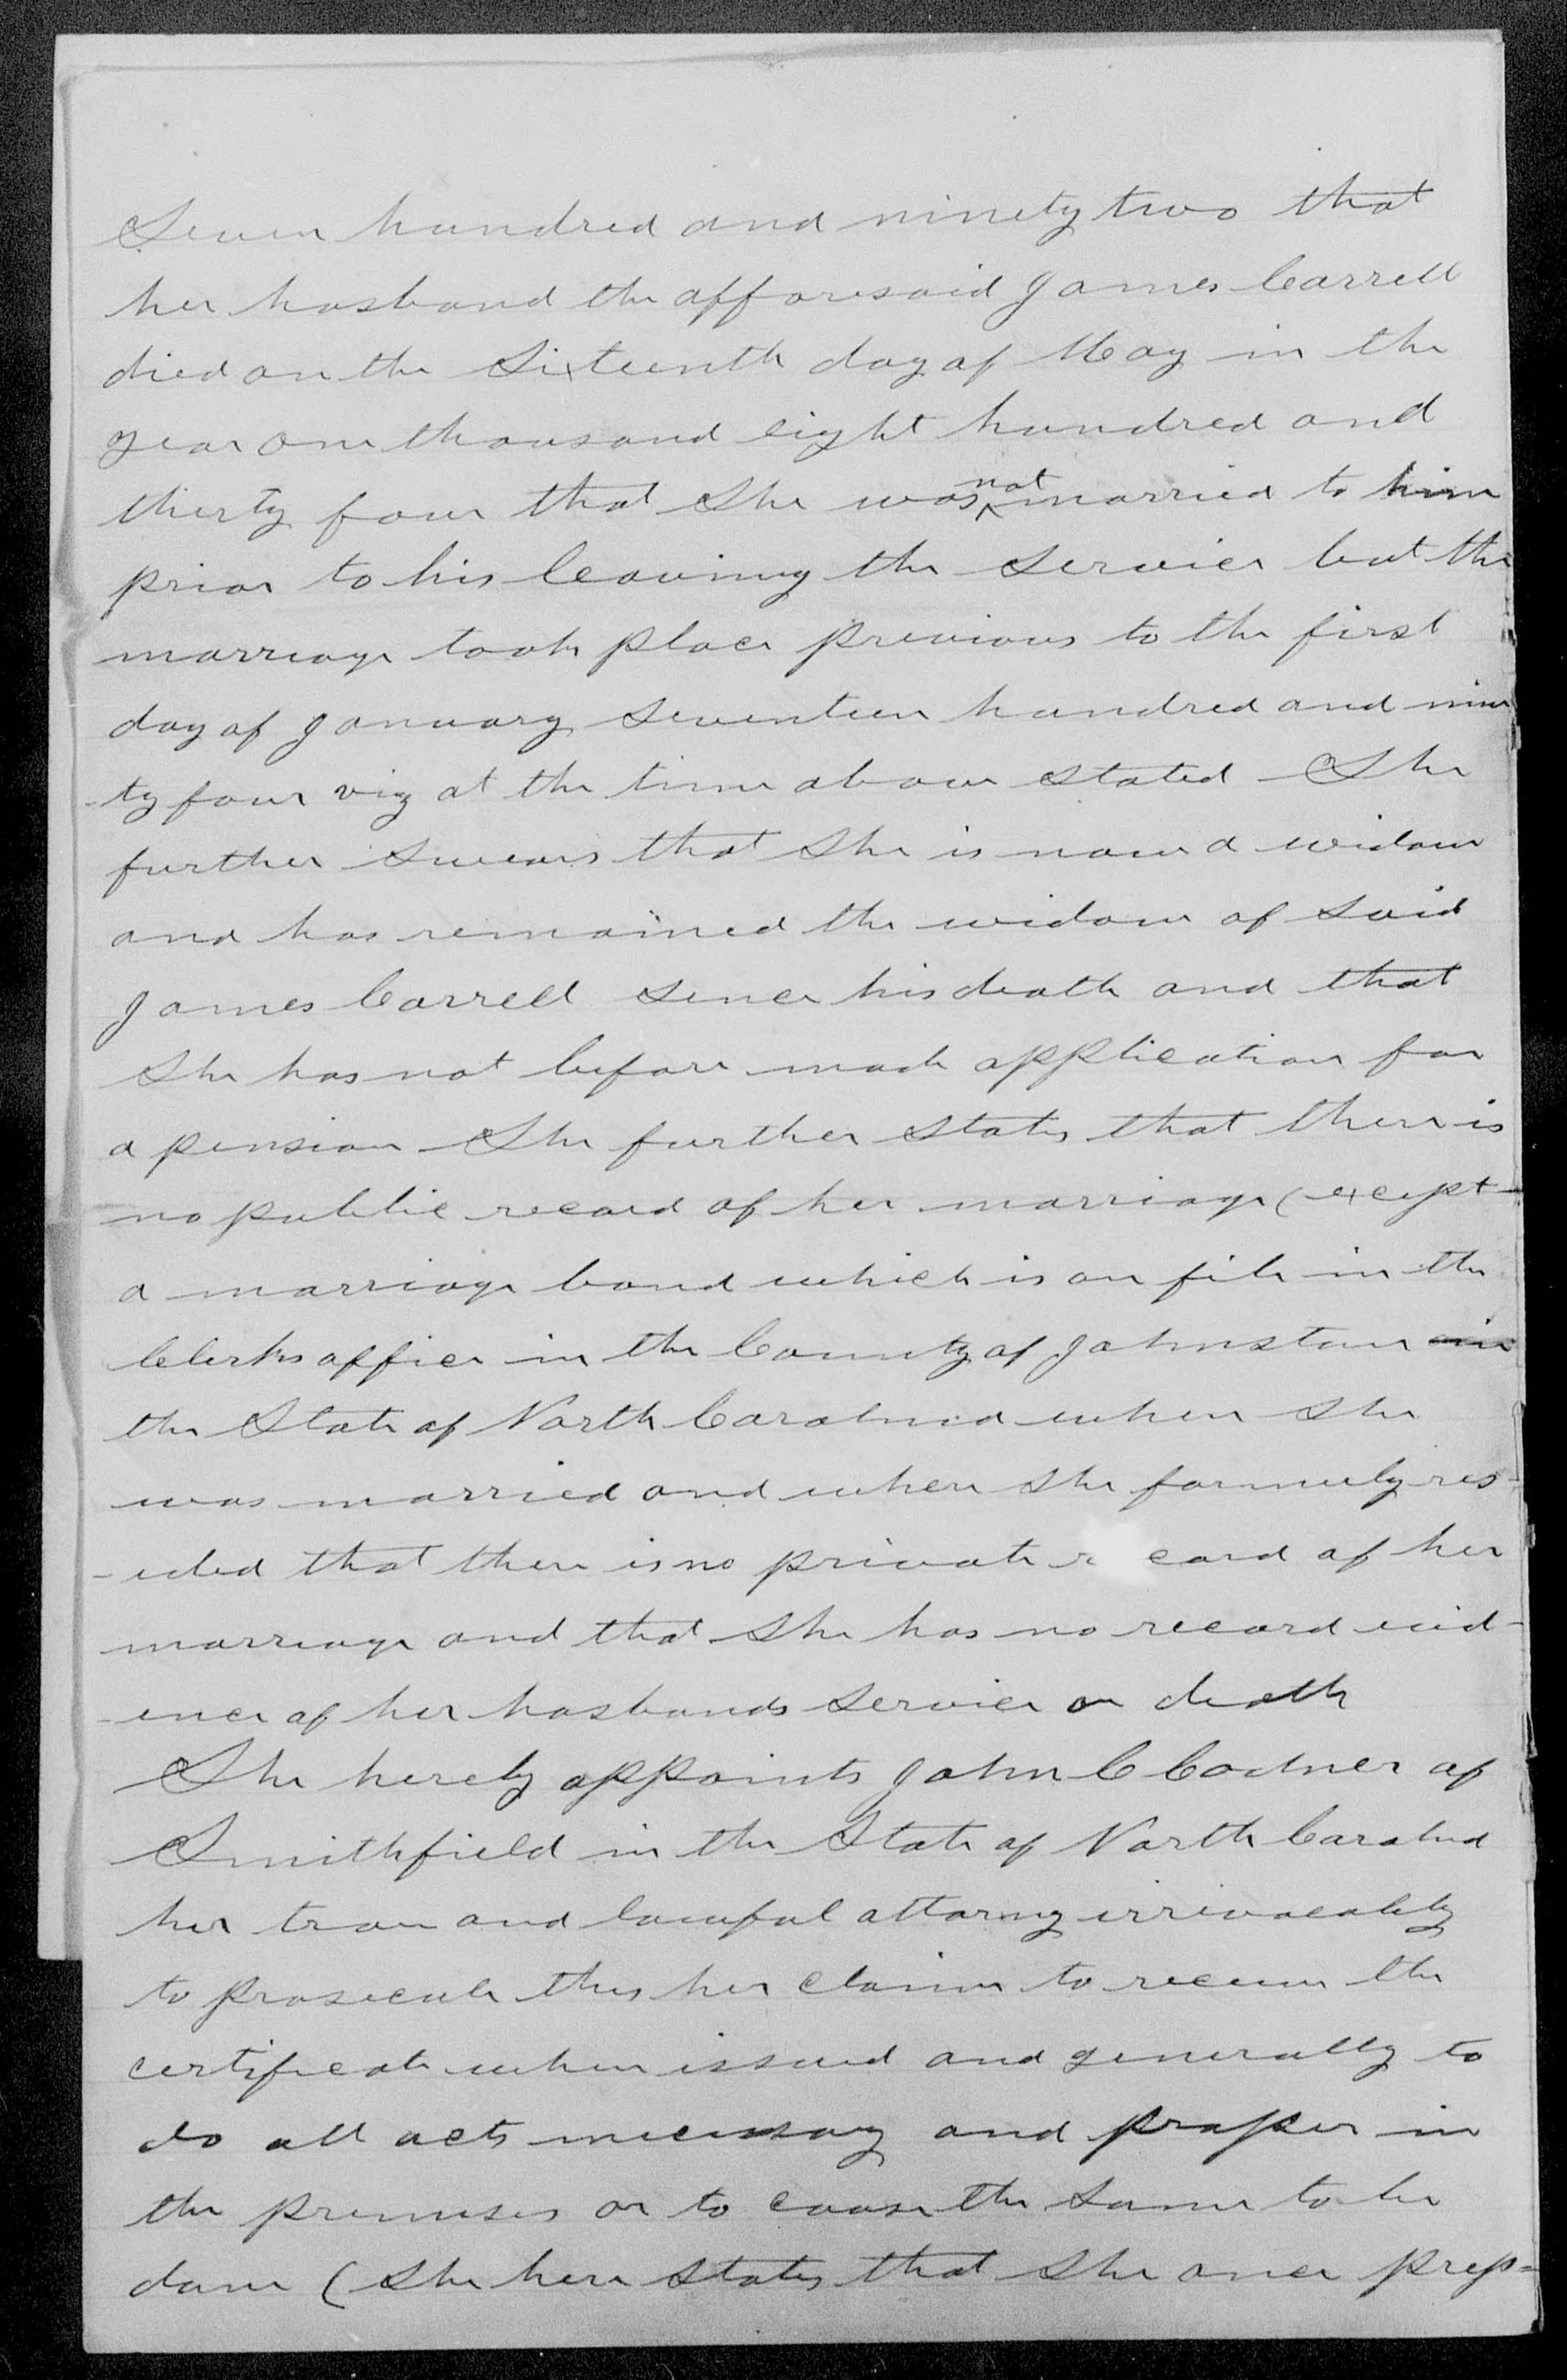seven hundred and ninety two that her husband the afforesaid James Carrell died on the sixteenth day of May in the year one thousand eight hundred and thirty four that she was not married to him prior to his leaving the services but the marriage took place previous to the first day of January seventeen hundred  and ninety four viz at the time above stated  She further swears that she is now a widow and has remained the widow of said James Carrell since his death and that she has not before made application for a pension She further states that there is no public record of her marriage  (except a marriage bond which is on file in the clerk's office in the County of Johnston in the State of North Carolina where she was married and where she formerly resided that there is no private record of her marriage and that she had no record evidence of her husband's service or death She hereby appoints John C. Codner of Smithfield in the State of North Carolina her true and lawful attorney irrivacably to prosecute this her claim to receive the certificate when issued and generally to do all acts necessary and proper in the premises or to cause the same to be done (she here states that she over prep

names: James Carrell, James Carrell, John C Codner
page: 18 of 86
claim: widow's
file: W. 6899, James Carrell, N.C.